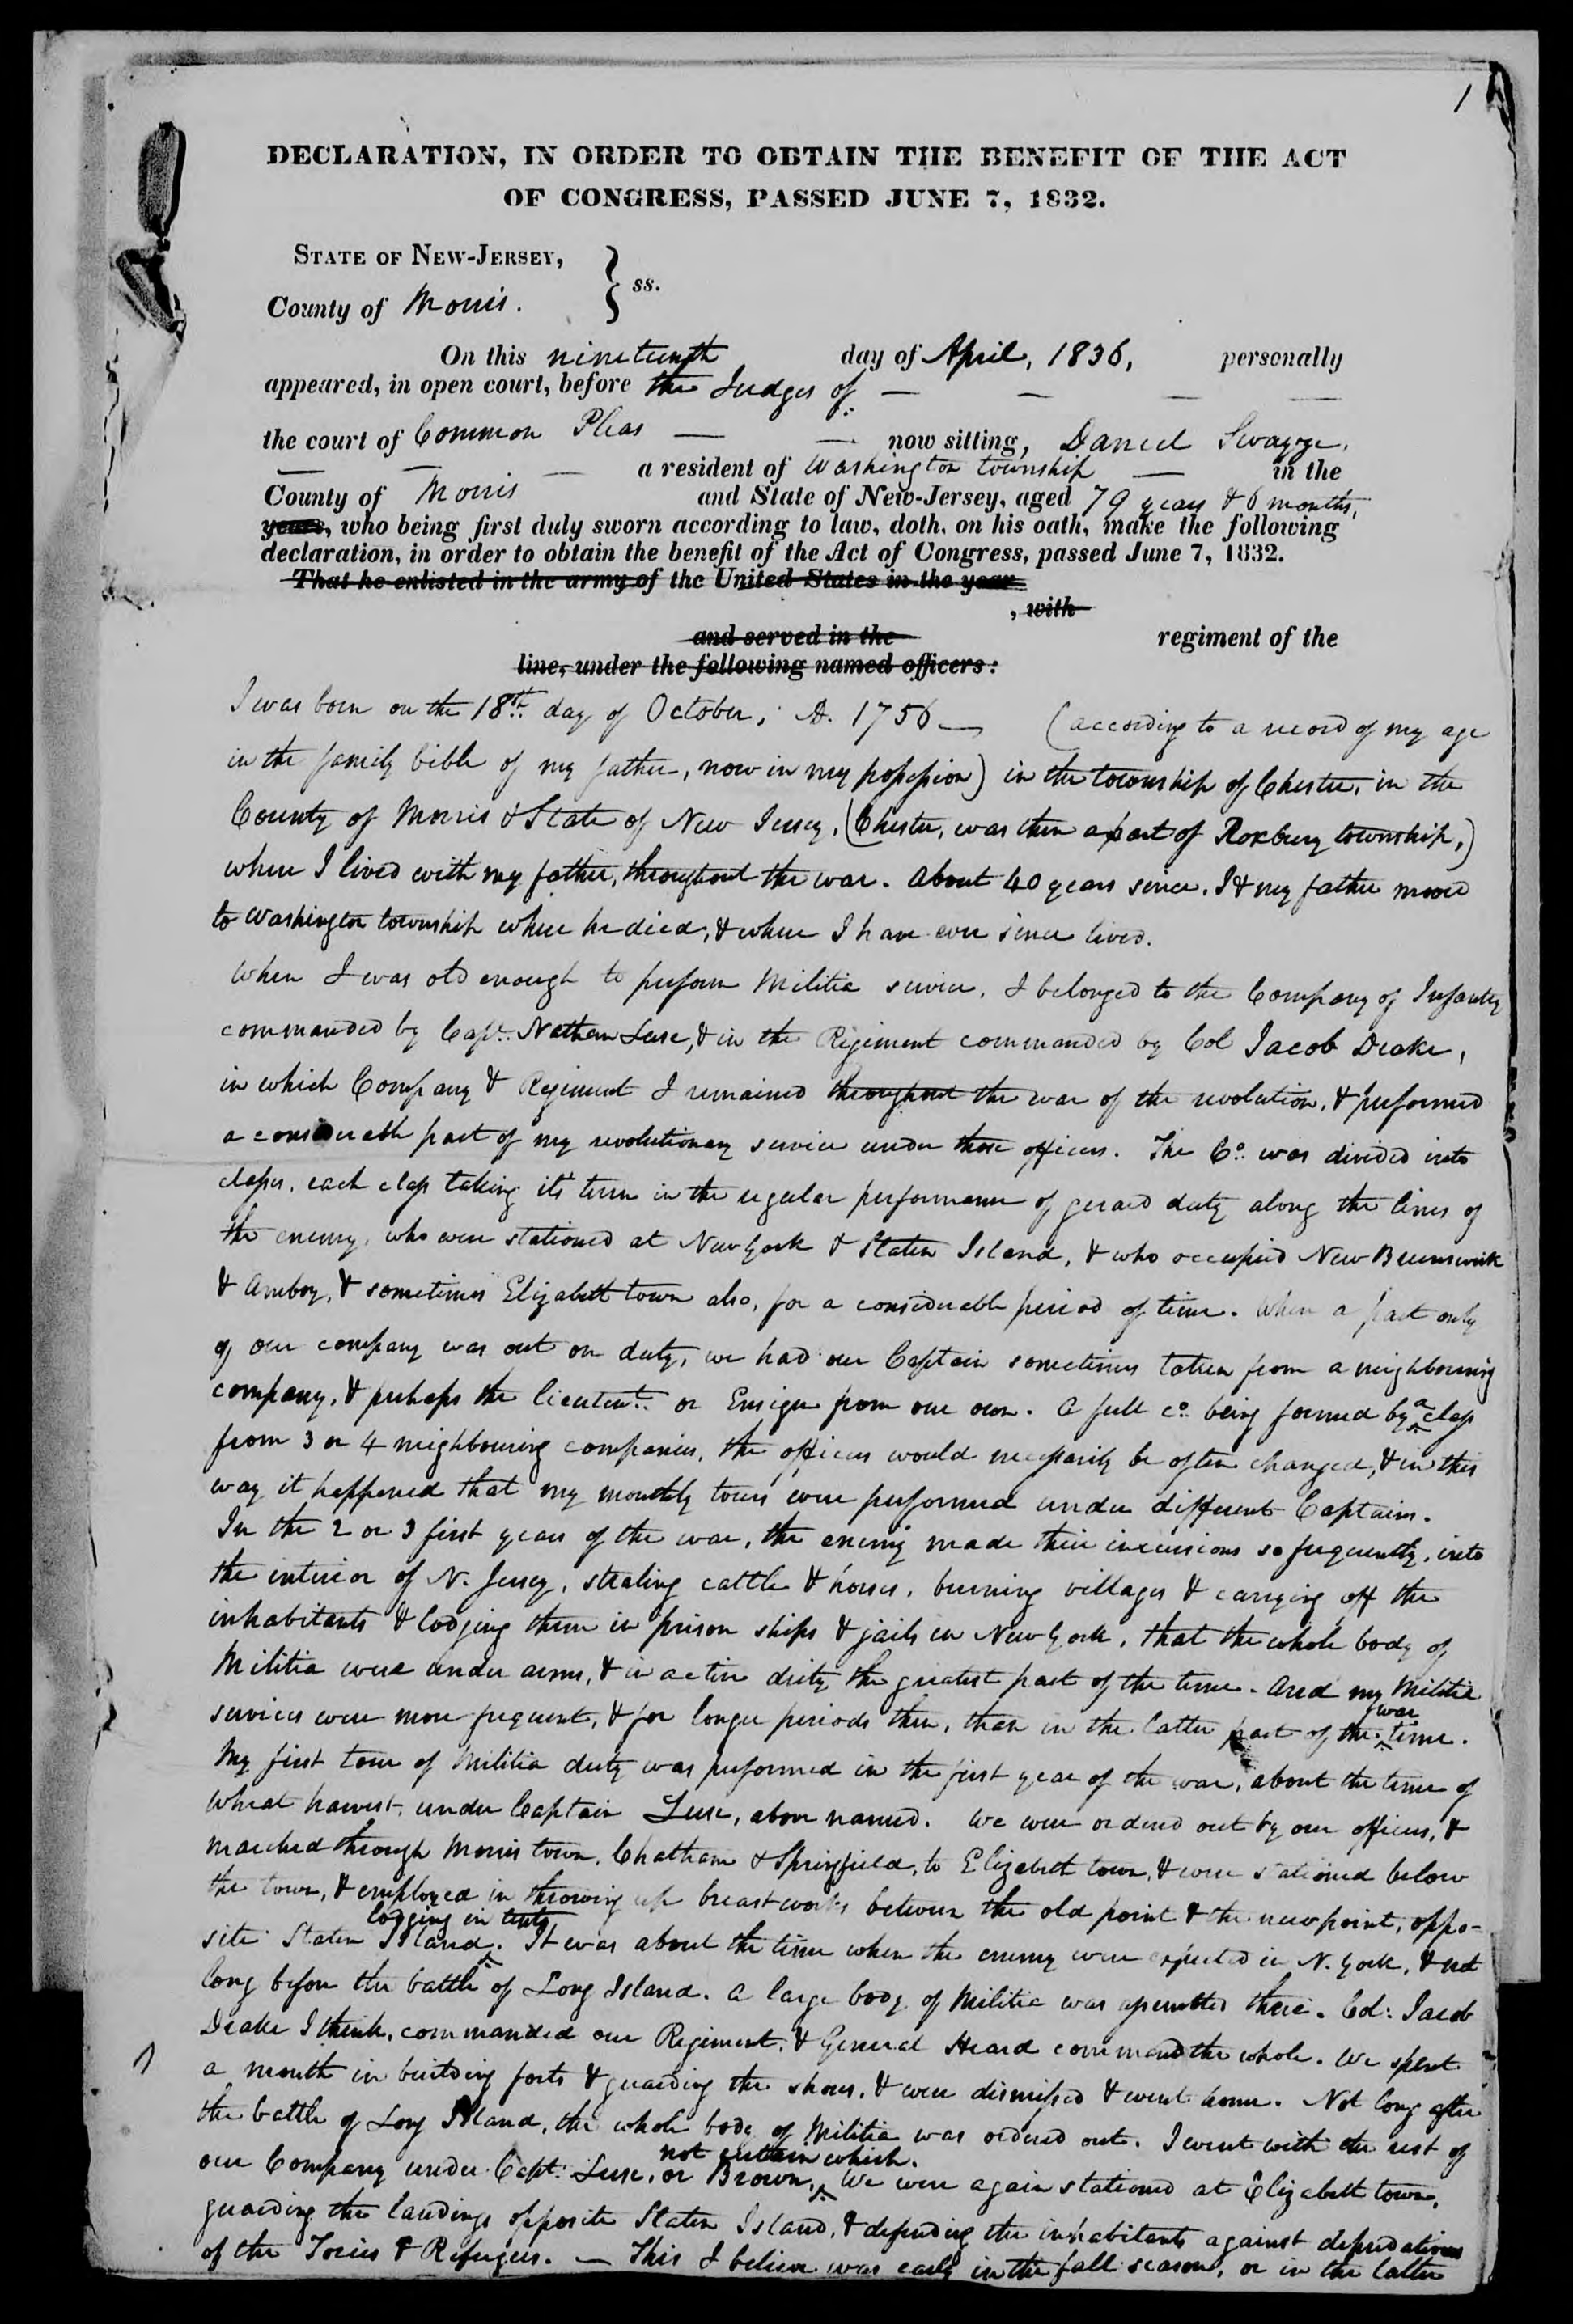DECLARATION, IN ORDER TO OBTAIN THE BENEFIT OF THE ACT OF CONGRESS, PASSED JUNE 7, 1832.
STATE OF NEW-JERSEY, 
County of Morris
On this nineteenth, day of April, 1836, personally
appeared, in open court, before the judges of ---
the court of Common Please--now sitting, Daniel Swayze, 
--- a resident of Washington township - in the County of Morris and State of New-Jersey, aged 79 years & 6 months, 
who being first duly sworn according to law, doth, on his oath, make the following
declaration, in order to obtain the benefit of the Act of Congress, passed June 7, 1832.
That he enlisted in the army of the United States in the year, with 
and served in the      regiment of the 
line, under the following named officers: 
I was born on the 18th day of October, AD.1756-(according to a record of my age in the family bible of my father, now in my possession) in the township of Chester, in the County of Morris State of New Jersey.  (Chester, was then apart of Roxbury Township,)
when I lived with my father, throughout the war. About 40 years since. I & my father moved to Washington Township where he died, & whee I have ever since lived.
When I was old enough to perform Militia service, I belonged to the Company of infantry commanded by Capt Nathan Case, & in the Regiment commanded by Col Jacob Drake, in which Company & regiment I remained throughout the war of the revolution, & performed a consueth part of my revolutionary service under these officers.  The Co was divided into  [illegible], each [illegible] taking it's turn in the regular performance of guard duty along the lines of the enemy.  who were stationed at New York and staten Island, & who occupied New Brunswick & Ambor, & sometimes Elizabethtown. also, for a considerable period of time. When a part only of our company went out on duty, we had our Captain sometimes [illegible] from a neighboring company, & perhaps the lieutenant. or Ensign from our own. A full Co. being formed by a [illegible] from 3 or 4 neighboring companies.  The officer would necessarily be often changed, & in this way it happened that my monthly tour were performed under different Captain.
In the 2 or 3 first years of the wa, the enemy made this incursions so frequently, into the interior of N. Jersey, stealing cattle & horses, buring villages and carrying off the inhabitants & lodging them in prison ships & jails in New York.  That the whole body of Militia were under arms, & is active duty the greatest part of the time. And my Militia
services were more frequent, & for longer periods thru, then in the latter part of the war time. 
My first tour of Militia duty was performed int he fist year of the war, about the time of what harvest, under Captain Luke, above named. We were ordered out by our officers, & marched through Morristown. Chatham & Springfield, to Elizabethtown & were stationed below the town, & employed in throwing up breastworks between the old point & the new point, opposite Staten Island Lodging in [illegible].  It was about the time when the enemy were expected in N. York, & not long before the battle of Long Island.  A large body of Militia were [illegible] there. Col. Jacob Drake I think, commanded our Regiment, & General Heard commanded the whole. We spent a month in building forts & guarding the [illegible], & were dismissed & went home. Not long after the battle of Long Island, the whole body of Militia were ordered out.  I went with the rest of our Company under Capt Luke, or Brown, not [illegible] which we were again stationed at Elizabethtown. guarding the landings opposite Staten Island & defending the inhabitants against depredation of the Tories & [illegible]. - This I believe was early in the fall season, or in the latter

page: 4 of 20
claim: survivor's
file: S. 4911, for Daniel Swayze, New Jersey